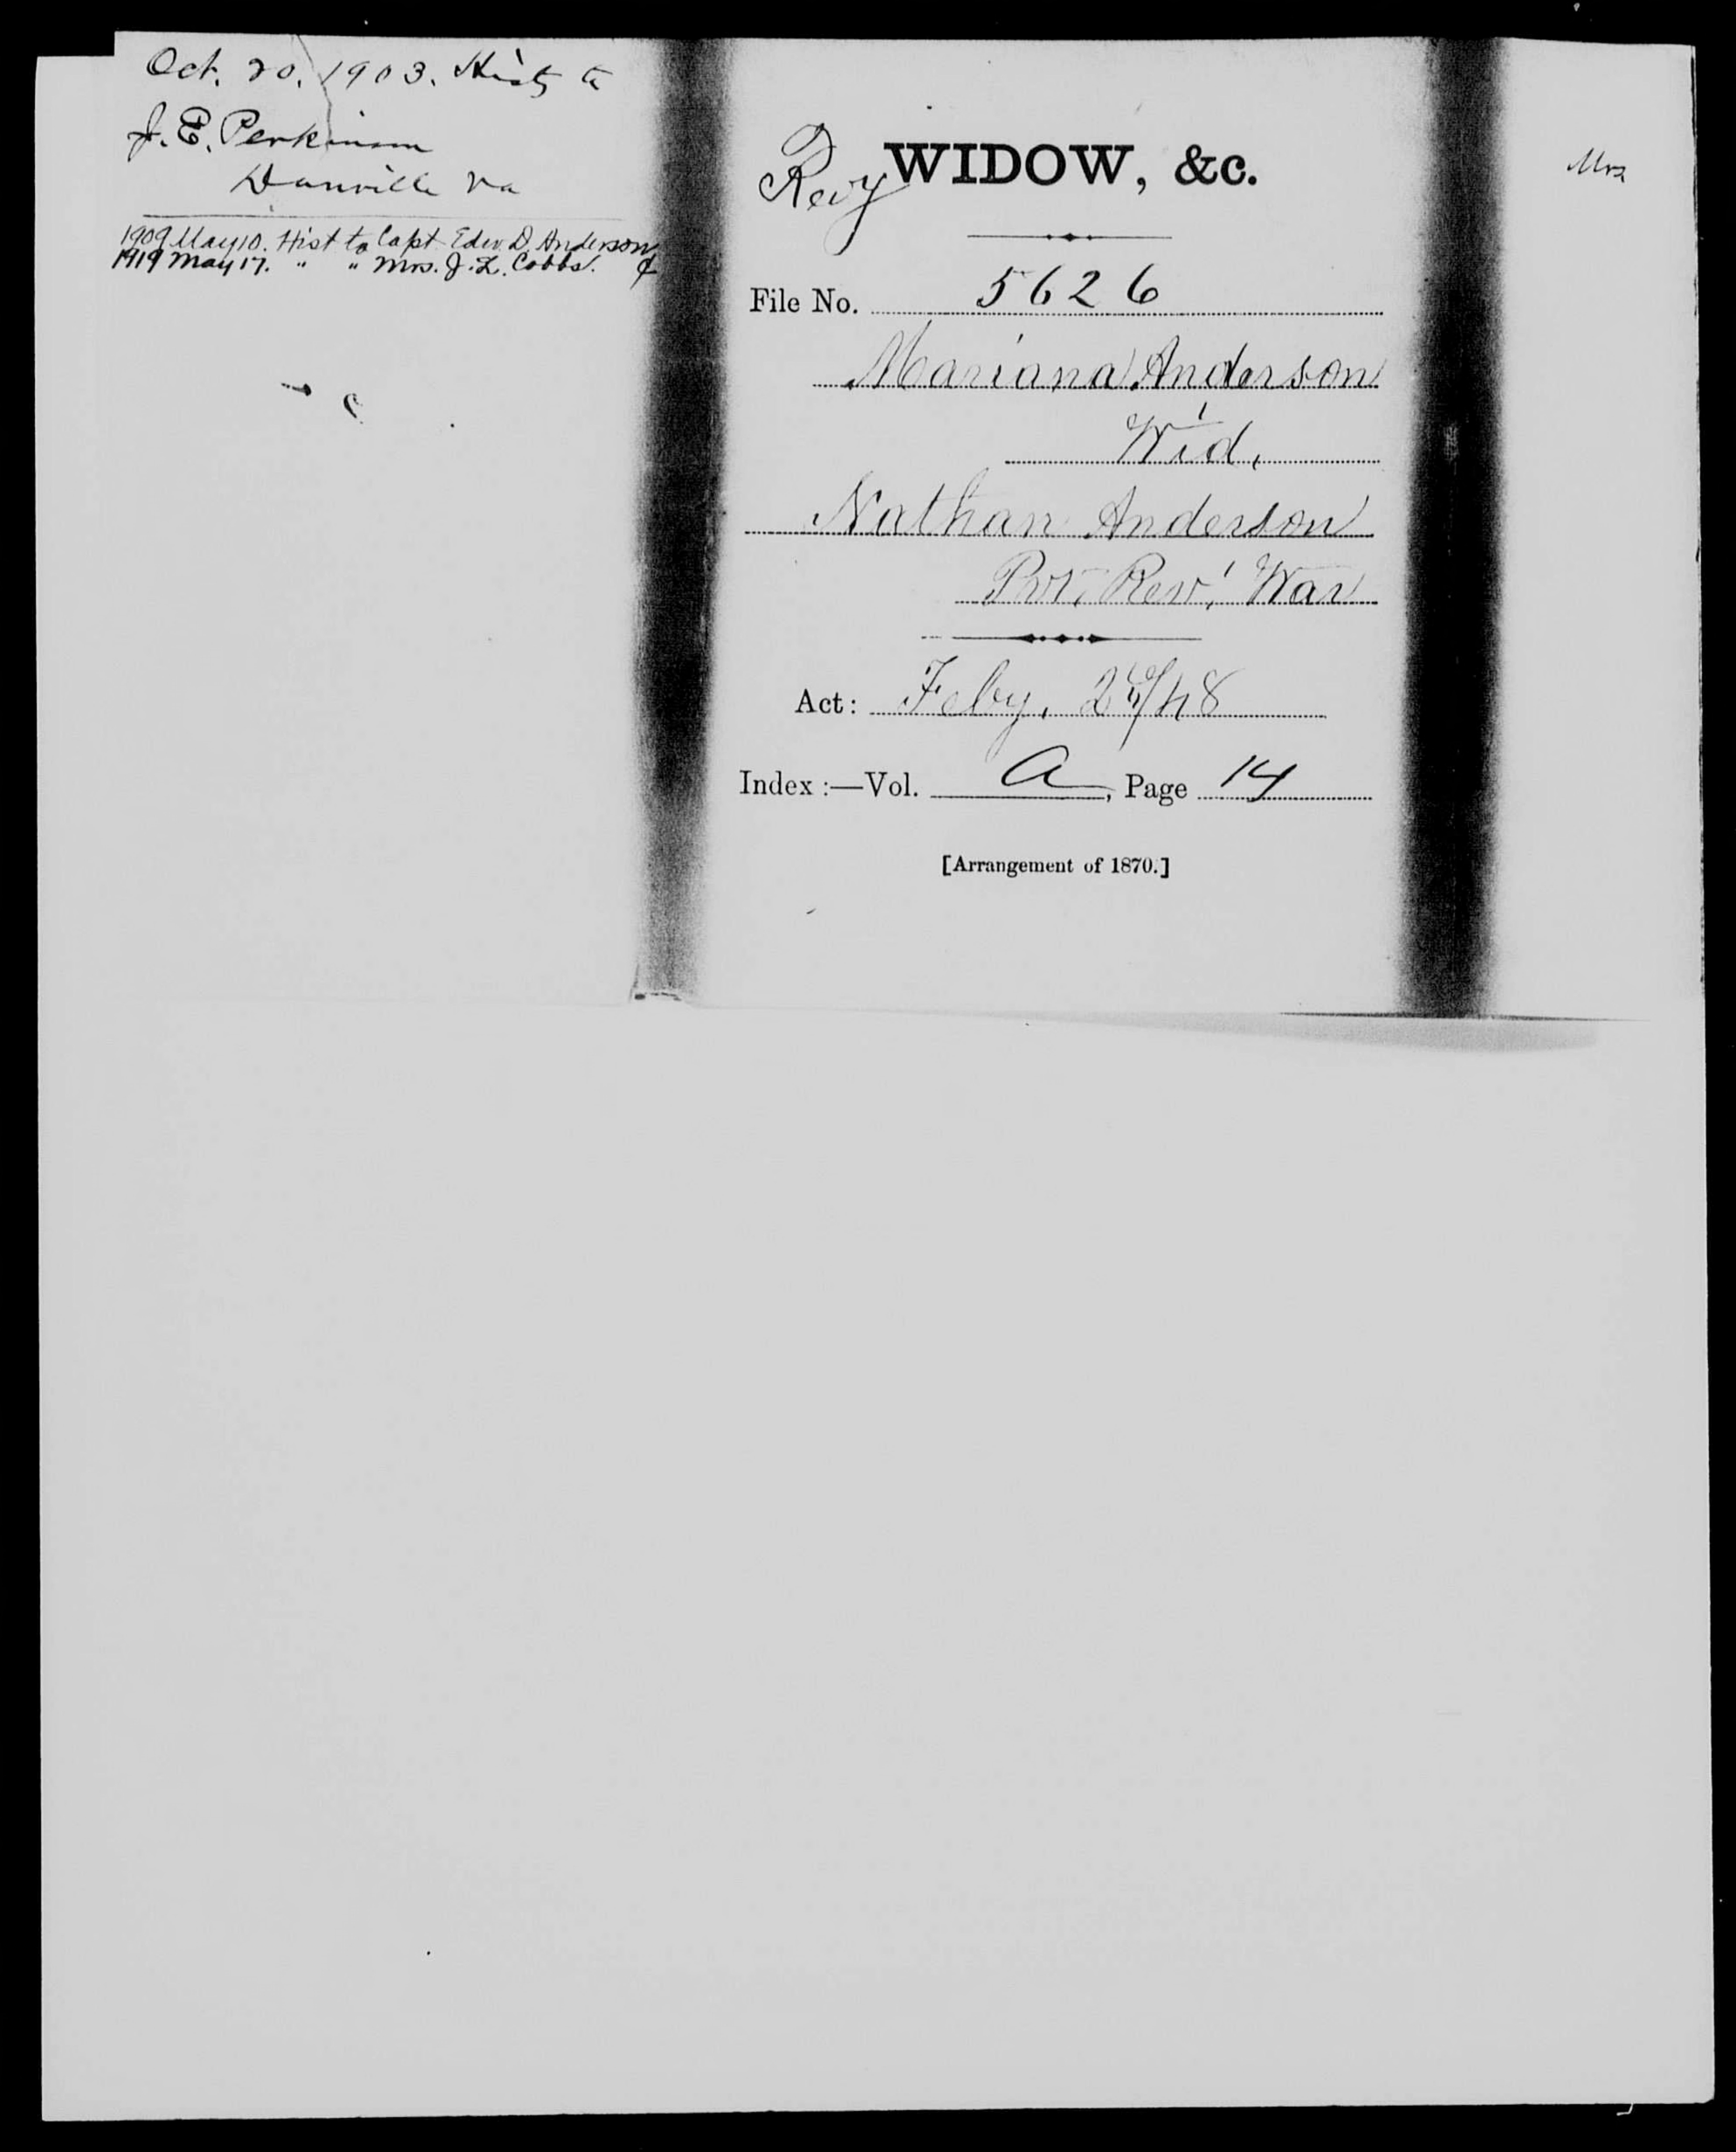Oct. 20, 1903. Hist to Mrs. J. E. Perkinson Danville Va
1909 May 10. Hist to Capt. Edw. D. Anderson
1919 May 17. " " Mrs. J. L.. Cobbs ¢

Revy WIDOW, &c.
File No. 5626
Mariana Anderson
Wid.
Nathan Anderson
Pvt. Rev. War
Act: Feby, 2"/48
Index:—Vol. A, Page 14
[Arrangement of 1870.]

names: Edw D Anderson, J E Perkinson, J L Cobbs, Nathan Anderson, Mariana Anderson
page: 16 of 43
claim: widow's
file: W. 5,626, Nathan Anderson, Va.